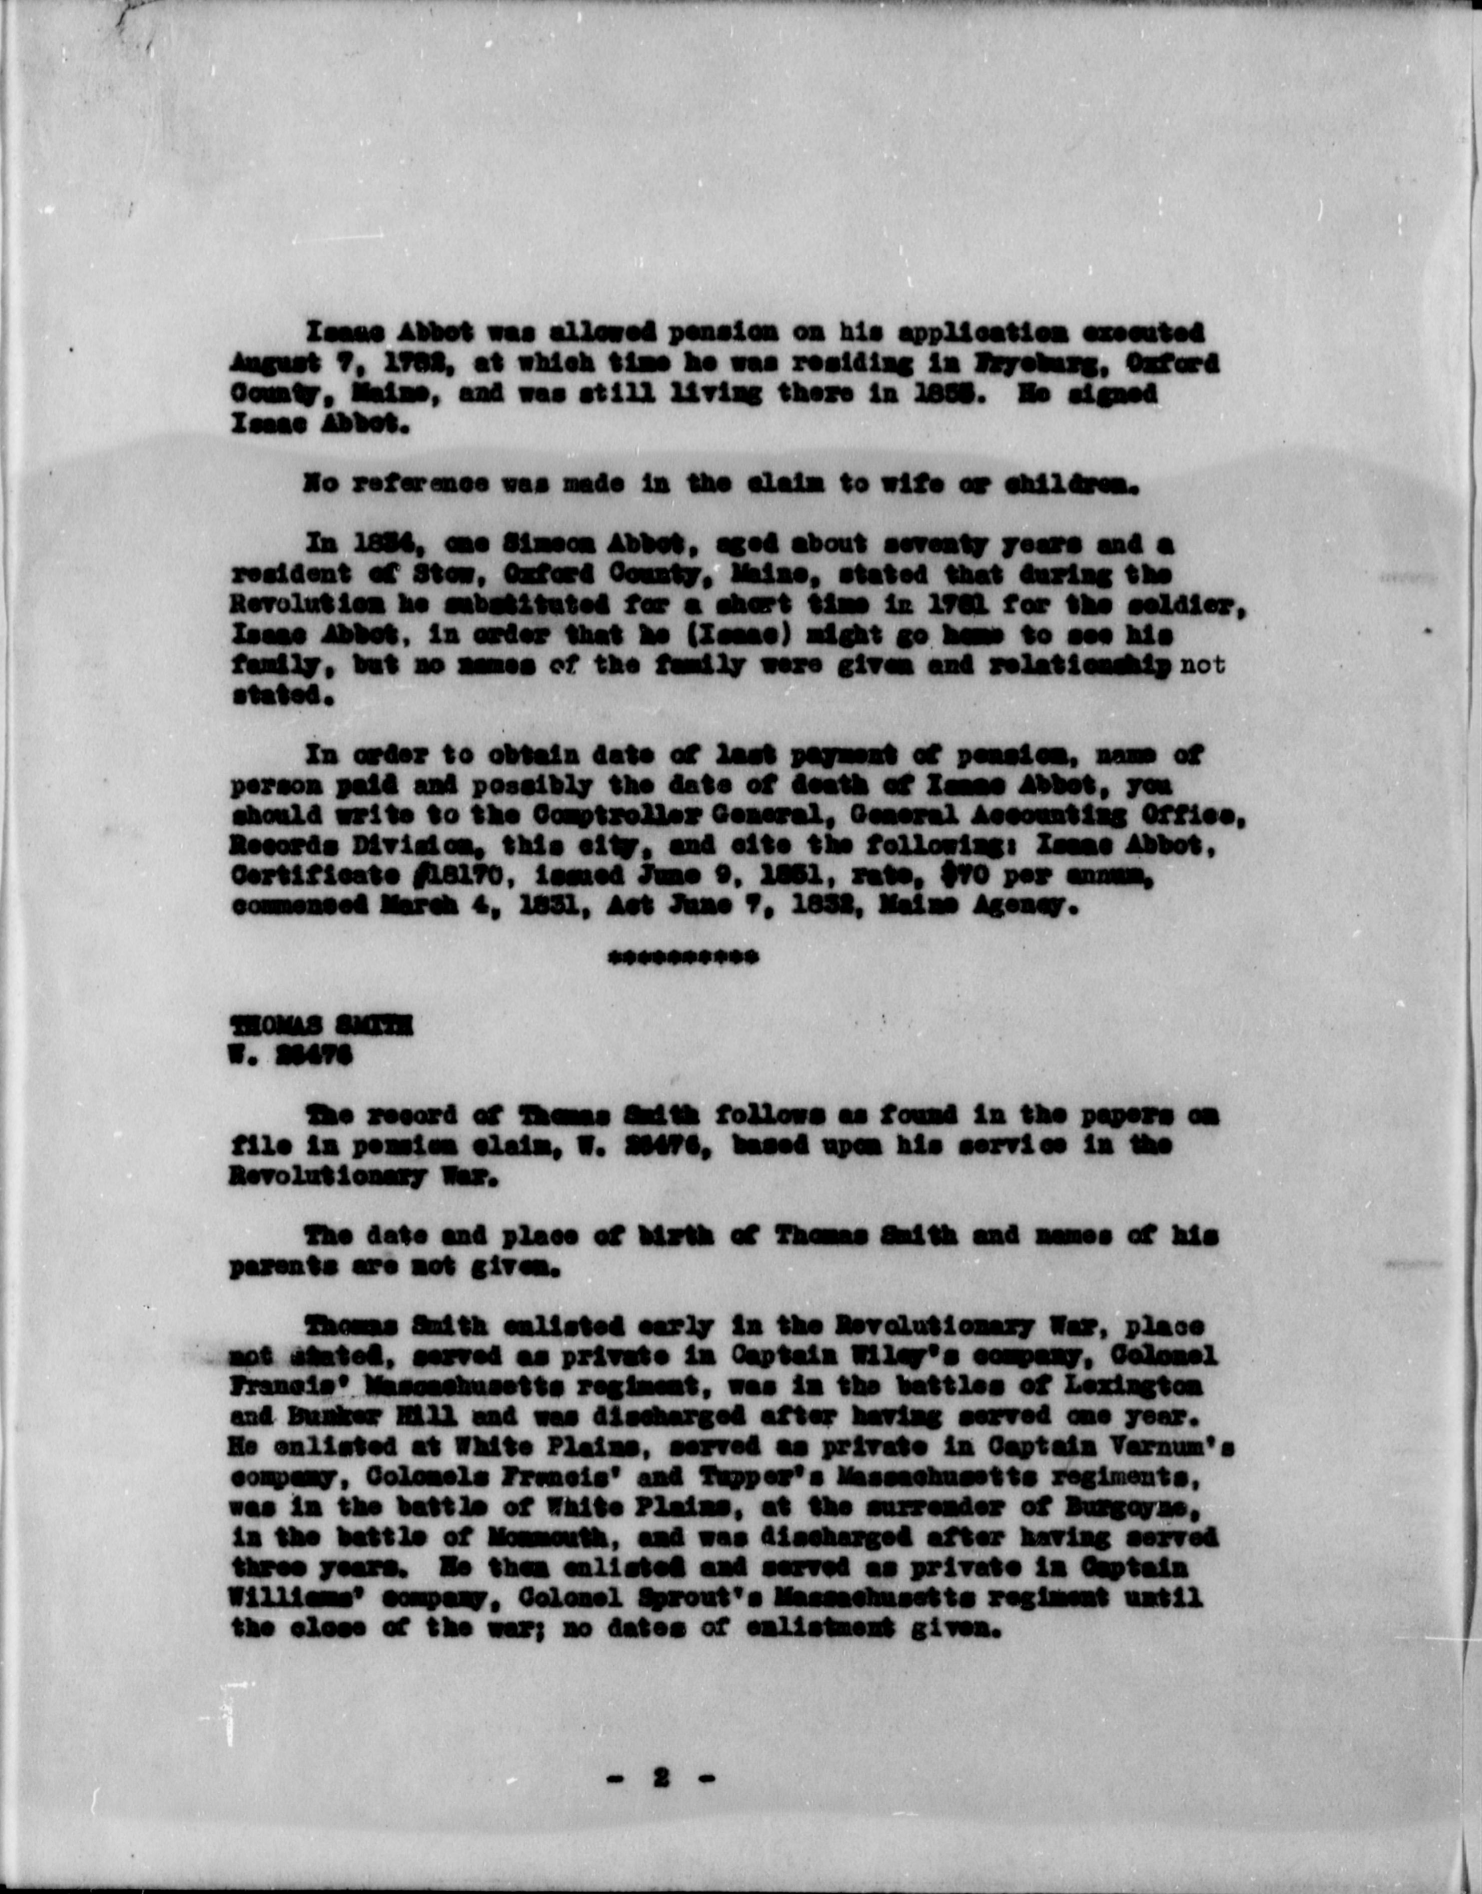Isaac Abbot was allowed pension on his application executed August 7, 17[8?]2, at which time he was residing in Fryeburg, Oxford County, Maine, and still living there in 185[illegible]. He signed Isaac Abbot. 

No reference was made in the claim to wife or children.

In 1834, one Simeon Abbot, aged about seventy years and a resident of Stow, Oxford County, Maine, stated that during the Revolution he substituted for a short time in 1781 for the soldier, Isaac Abbot, in order that he (Isaac) might go home to see his family, but no names of the family were given and relationships not stated. 

In order to obtain date of last payment of pension, name of person paid and possibly the date of death of Isaac Abbot, you should write to the Comptroller General, General Accounting Office, Records Division, this city, and cite the following: Isaac Abbot, Certificate 18170, issued June 9, 1831, rate, $70 per annum, commenced March 4, 1831, Act[?] June 7, 1832, Maine Agency. 

**********

Thomas Smith
W. 2[?]476

The record of Thomas Smith as found in the papers on file in pension claim, W. 2[?]476, based upon his service in the Revolutionary War. 

The date and place of birth of Thomas Smith and names of his parents are not given. 

Thomas Smith enlisted early in the Revolutionary War, place not stated, served as private in Captain Wiley's company, Colonel Francis' Massachusetts regiment, was in the battles of Lexington and Bunker Hill and was discharged after having served one year. He enlisted at White Plains, served as private in Captain Varnum's company, Colonels Francis' and Tupper's Massachusetts regiments, was in the battle of White Plains, at the surrender Burgoyne, in the battle of Monmouth, and was discharged after having served three years. He then enlisted and served as private in Captain William's company, Colonel Sprout's Massachusetts regiment until the close of the war; no dates of enlistment given. 

-2-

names: Thomas Smith, Simeon Abbot, Thomas Smith, Bunker Hill, Thomas Smith, Isaac Abbot, Isaac Abbot, Thomas Smith, Isaac Abbot, Isaac Abbot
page: 85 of 86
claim: survivor's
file: S 29,568, Isaac Abbot, Mass